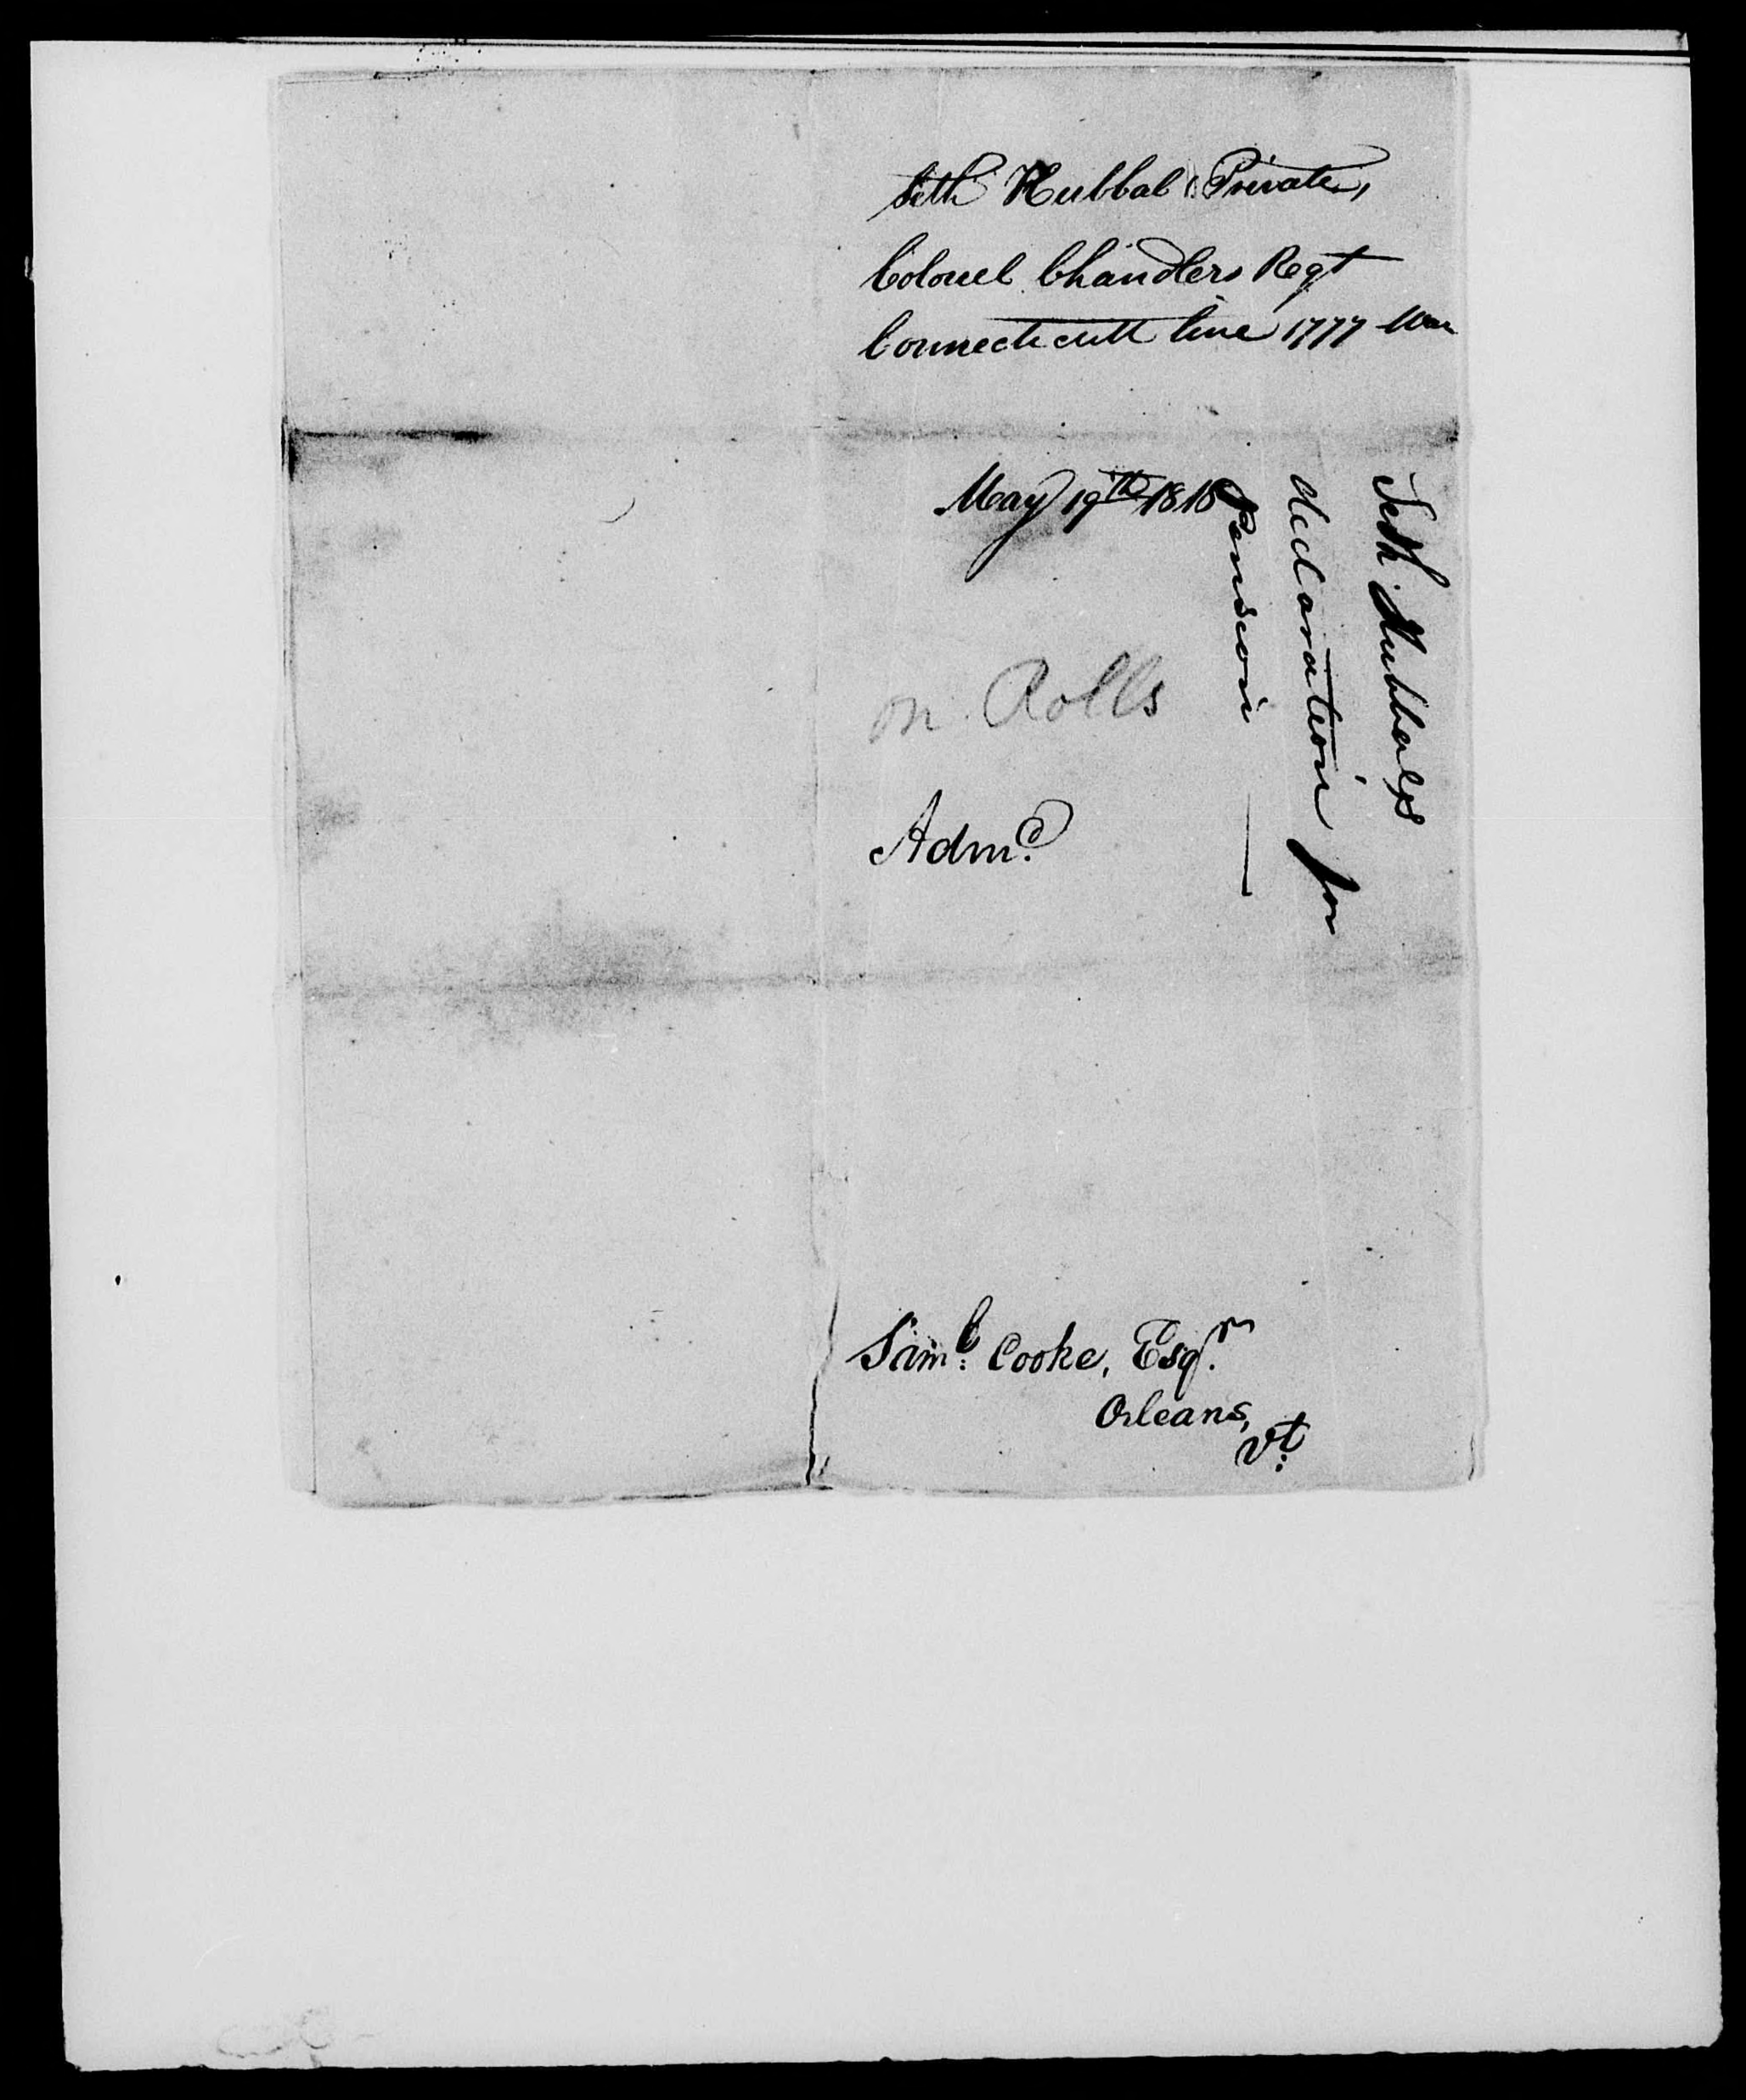Seth Hubbal, Private,
Colonel Chandlers Regt
Connecticut line 1777 War
May 19th 1818
on Rolls
Adm.
Seth Hubbell
declaration for
Pension
Sam Cooke, Esq.
Orleans,
VT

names: Seth Hubbell, Saml Cooke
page: 9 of 114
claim: widow's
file: W. 2115, Seth Hubbell, Conn.